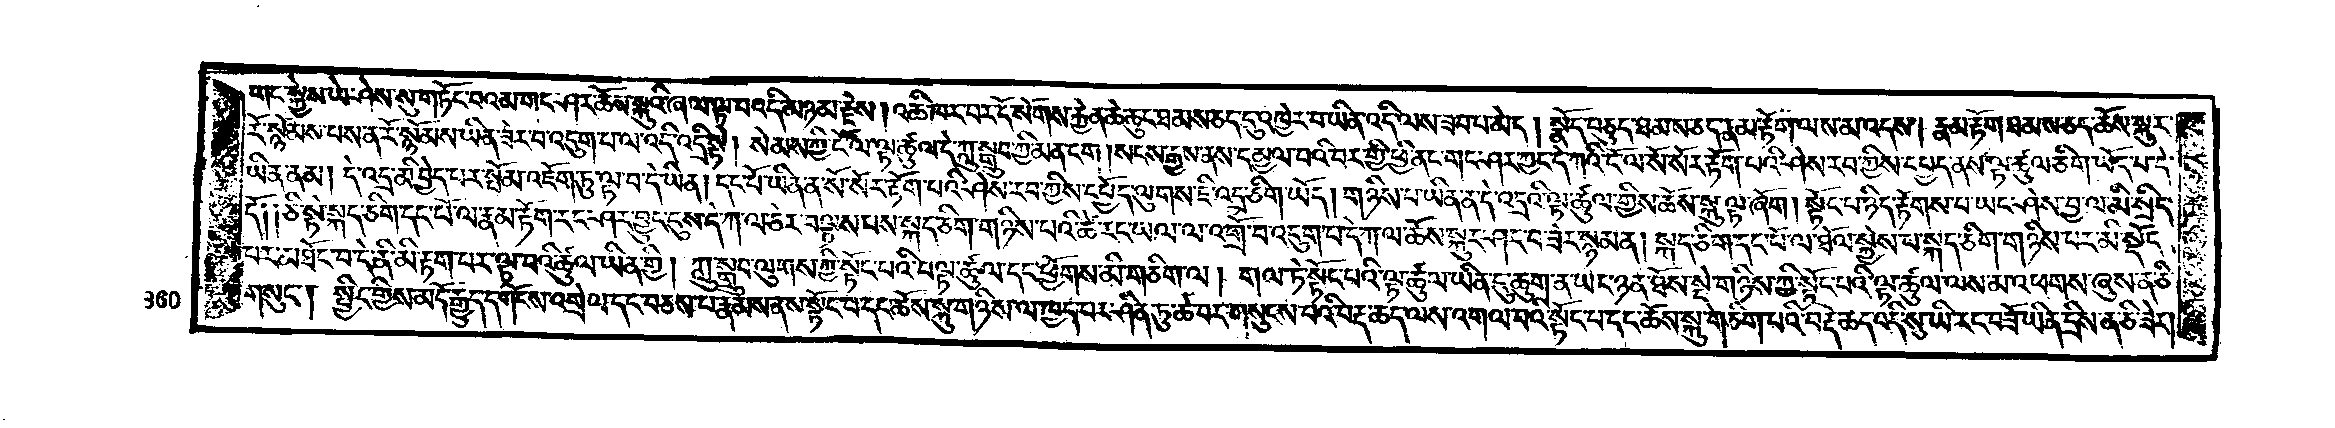གང་སྐྱེས་ཡེ་ཤེས་སུ་གཏོང་བའམ་གང་ཤར་ཆོས་སྐུའི་ཞལ་ལྟ་བ་འདི་མཉམ་རྗེས། འཆི་ཁར་བར་དོ་སོགས་རྐྱེན་ཆེ་ཆུང་ཐམས་ཅད་དུ་འཁྱེར་བ་ཡིན་འདི་ལས་ཟབ་པ་མེད། སྣོད་བཅུད་ཐམས་ཅད་རྣམ་རྟོག་ལས་མ་འདས། རྣམ་རྟོག་ཐམས་ཅད་ཆོས་སྐུར་
རོ་སྙོམས་པས་ན་རོ་སྙོམས་ཡིན་ཟེར་བ་འདུག་པ་ལ་འདི་འདྲི་སྟེ། སེམས་ཀྱི་ངོ་ལ་ལྟ་ཚུལ་དེ་ཀླུ་སྒྲུབ་ཀྱི་མན་ངག །སངས་རྒྱས་ནས་དམྱལ་བའི་བར་གྱི་ཕྱི་ནང་གང་ཤར་ཀྱང་དེ་ཀའི་ངོ་ལ་སོ་སོར་རྟོག་པའི་ཤེས་རབ་ཀྱིས་དཔྱད་ནས་ལྟ་ཚུལ་ཅིག་ཡོད་པ་དེ་
ཡིན་ནམ། དེ་འདྲ་མི་བྱེད་པར་སྤོམ་འཇོག་ཏུ་ལྟ་བ་དེ་ཡིན། དང་པོ་ཡིན་ན་སོ་སོར་རྟོག་པའི་ཤེས་རབ་ཀྱིས་དཔྱོད་ལུགས་ཇི་འདྲ་ཅིག་ཡོད། གཉིས་པ་ཡིན་ན་དེ་འདྲའི་ལྟ་ཚུལ་གྱིས་ཆོས་སྐུ་ལྟ་ཞོག །སྟོང་པ་ཉིད་རྟོགས་པ་ཡང་ཤེས་བྱ་ལ་མི་སྲིད་
དོ། །ཅི་སྟེ་སྐད་ཅིག་དང་པོ་ལ་རྣམ་རྟོག་རང་ཤར་བྱུང་ངུས་དེ་ཀ་ལ་ཅེར་བལྟས་པས་སྐད་ཅིག་གཉིས་པའི་ཚེ་རང་ཡལ་ལ་འགྲོ་བ་འདུག་པ་དེ་ཀ་ལ་ཆོས་སྐུར་ཤར་བ་ཟེར་སྙམ་ན། སྐད་ཅིག་དང་པོ་ལ་ཐོལ་སྐྱེས་པ་སྐད་ཅིག་གཉིས་པར་མི་སྡོད་
པར་མཐོང་བ་དེ་ནི་མི་རྟག་པར་ལྟ་བའི་ཚུལ་ཡིན་གྱི། ཀླུ་སྒྲུབ་ལུགས་ཀྱི་སྟོང་པའི་བལྟ་ཚུལ་དང་ཕྱོགས་མི་གཅིག་ལ། གལ་ཏེ་སྟོང་པའི་ལྟ་ཚུལ་ཡིན་དུ་ཆུག་ན་ཡང་ཉན་ཐོས་སྡེ་གཉིས་ཀྱི་སྟོང་པའི་ལྟ་ཚུལ་ལས་མ་འཕགས་ཞུས་ན་ཅི་
གསུང་། སྤྱིར་གྱིས་མདོ་རྒྱུད་དགོངས་འགྲེལ་དང་བཅས་པ་རྣམས་ནས་སྟོང་པ་དང་ཆོས་སྐུ་གཉིས་ལ་ཁྱད་པར་ཤིན་ཏུ་ཆེ་བར་གསུངས་པའི་བརྡ་ཆད་ལས་འགལ་བའི་སྟོང་པ་དང་ཆོས་སྐུ་གཅིག་པའི་བརྡ་ཆད་འདི་སུ་ཡི་རང་བཟོ་ཡིན་དྲིས་ན་ཅི་ཟེར།